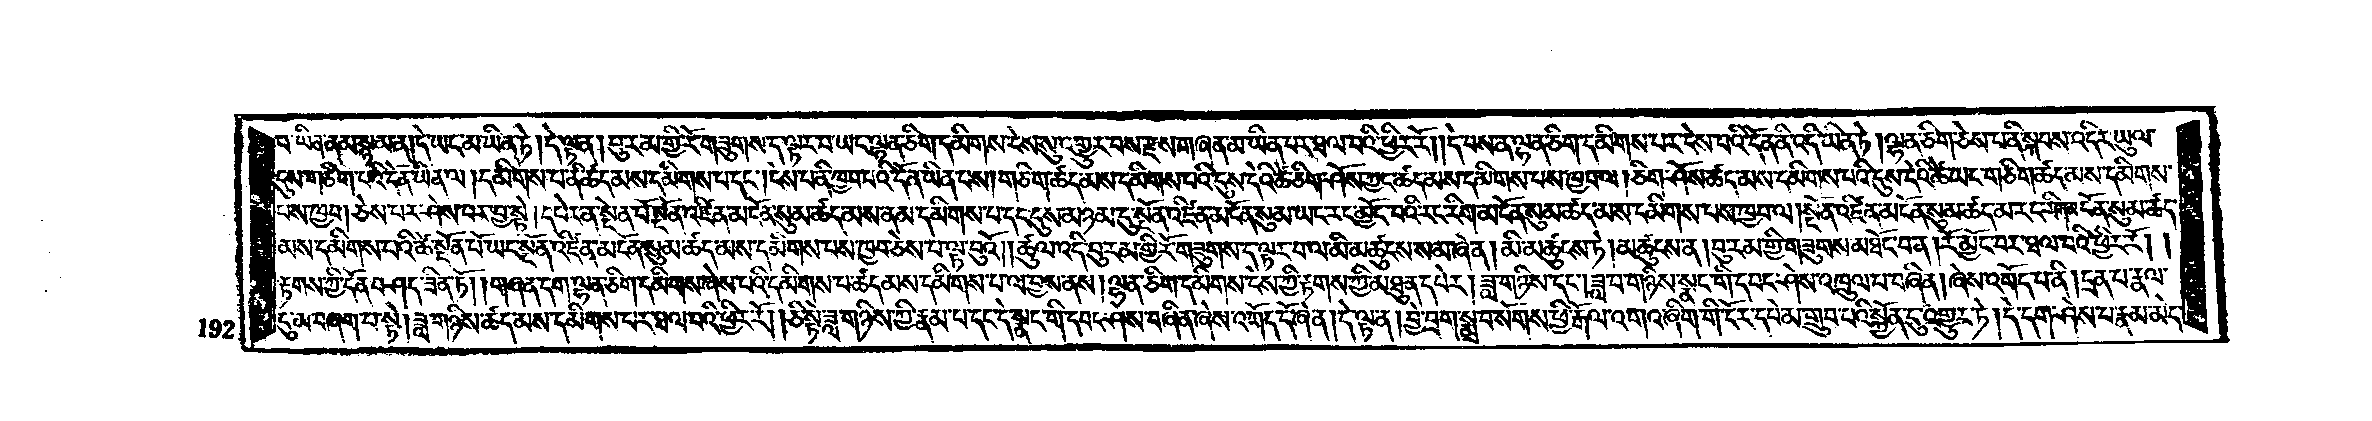པ་ཡིན་ནམ་སྙམ་ན། དེ་ཡང་མ་ཡིན་ཏེ། དེ་ལྟ་ན། བུ་རམ་གྱི་རོ་གཟུགས་དེ་ལྟར་བ་ཡང་ལྷན་ཅིག་དམིགས་ངེས་སུ་འགྱུར་བས་རྫས་གཞན་མ་ཡིན་པར་ཐལ་བའི་ཕྱིར་རོ། །དེ་བས་ན་ལྷན་ཅིག་དམིགས་པར་ངེས་པའི་དོན་ནི་འདི་ཡིན་ཏེ། ལྷན་ཅིག་ཅེས་པ་ནི་སྐབས་འདིར་ཡུལ་
དུས་གཅིག་པའི་དོན་ཡིན་ལ། དམིགས་པ་ནི་ཚད་མས་དམིགས་པ་དང་། ངེས་པ་ནི་ཁྱབ་པའི་དོན་ཡིན་པས། གཅིག་ཚད་མས་དམིགས་པའི་དུས་དེའི་ཚེ་ཅིག་ཤོས་ཀྱང་ཚད་མས་དམིགས་པས་ཁྱབ་ལ། ཅིག་ཤོས་ཚད་མས་དམིགས་པའི་དུས་དེའི་ཚེ་ཡང་གཅིག་ཚད་མས་དམིགས་
པས་ཁྱབ། ཅེས་པར་ཤེས་པར་བྱ་སྟེ། དཔེར་ན་སྔོན་པོ་སྔོན་འཛིན་མངོན་སུམ་ཚད་མས་ནམ་དམིགས་པ་དང་དུས་མཉམ་དུ་སྔོན་སུམ་ཡང་རང་མྱོང་བའི་རང་རིག་མངོན་སུམ་ཚད་མས་དམིགས་པས་ཁྱབ་ལ། སྔོན་འཛིན་མངོན་སུམ་ཚད་མ་རང་རིག་མངོན་སུམ་ཚད་
མས་དམིགས་པའི་ཚེ་སྔོན་པོ་ཡང་སྔོན་འཛིན་མངོན་སུམ་ཚད་མས་དམིགས་པས་ཁྱབ་ཅེས་པ་ལྟ་བུའོ། །ཚུལ་འདི་བུ་རམ་གྱི་རོ་གཟུགས་ད་ལྟར་བ་ལ་མི་མཚུངས་སམ་ཞེ་ན། མི་མཚུངས་ཏེ། མཚུངས་ན། བུ་རམ་གྱི་གཟུགས་མཐོང་བ་ན། རོ་མྱོང་བར་ཐལ་བའི་ཕྱིར་རོ། །
རྟགས་ཀྱི་དོན་བཤད་ཟིན་ཏོ། །གཞན་དག་ལྷན་ཅིག་དམིགས་ཞེས་པའི་དམིགས་པ་ཚད་མས་དམིགས་པ་ལ་བྱས་ནས། ལྷན་ཅིག་དམིགས་ངེས་ཀྱི་རྟགས་ཀྱི་མཐུན་དཔེར། ཟླ་གཉིས་དང་། ཟླ་བ་གཉིས་སྣང་གི་དབང་ཤེས་འཁྲུལ་པ་བཞིན། ཞེས་འགོང་པ་ནི། དྲན་པ་རྣལ་
དུ་མ་བཞག་པ་སྟེ། ཟླ་གཉིས་ཚད་མས་དམིགས་པར་ཐལ་བའི་ཕྱིར་རོ། །ཅི་སྟེ་ཟླ་གཉིས་ཀྱི་རྣམ་པ་དང་དེ་སྣང་གི་དབང་ཤེས་བཞིན་ཞེས་འགོད་དོ་ཞེ་ན། དེ་ལྟ་ན། བྱེ་བྲག་སྨྲ་བ་སོགས་ཕྱི་རྒོལ་འགའ་ཞིག་གི་ངོར་དཔེ་མ་གྲུབ་པའི་སྐྱོན་དུ་འགྱུར་ཏེ། དེ་དག་ཤེས་པ་རྣམ་མེད་